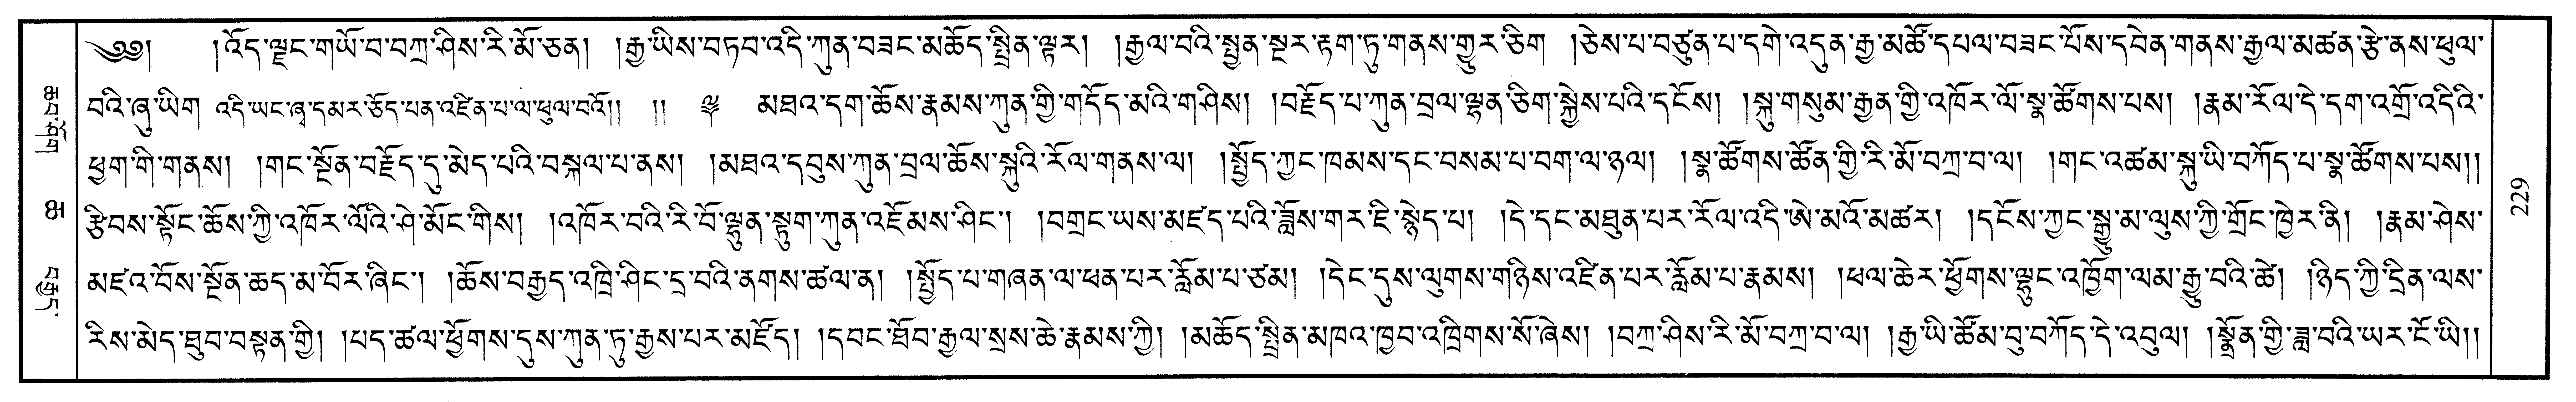༄༅། །འོད་ལྗང་གཡོ་བ་བཀྲ་ཤིས་རི་མོ་ཅན། །རྒྱ་ཡིས་བཏབ་འདི་ཀུན་བཟང་མཆོད་སྤྲིན་ལྟར། །རྒྱལ་བའི་སྤྱན་སྔར་རྟག་ཏུ་གནས་གྱུར་ཅིག །ཅེས་པ་བཙུན་པ་དགེ་འདུན་རྒྱ་མཚོ་དཔལ་བཟང་པོས་དབེན་གནས་རྒྱལ་མཚན་རྩེ་ནས་ཕུལ་
བའི་ཞུ་ཡིག་འདི་ཡང་ཞྭ་དམར་ཅོད་པན་འཛིན་པ་ལ་ཕུལ་བའོ།། །། ༈ མཐའ་དག་ཆོས་རྣམས་ཀུན་གྱི་གདོད་མའི་གཤིས། །བརྗོད་པ་ཀུན་བྲལ་ལྷན་ཅིག་སྐྱེས་པའི་དངོས། །སྐུ་གསུམ་རྒྱན་གྱི་འཁོར་ལོ་སྣ་ཚོགས་པས། །རྣམ་རོལ་དེ་དག་འགྲོ་འདིའི་
ཕྱག་གི་གནས། །གང་སྔོན་བརྗོད་དུ་མེད་པའི་བསྐལ་པ་ནས། །མཐའ་དབུས་ཀུན་བྲལ་ཆོས་སྐུའི་རོལ་གནས་ལ། །སྤྱོད་ཀྱང་ཁམས་དང་བསམ་པ་བག་ལ་ཉལ། །སྣ་ཚོགས་ཚོན་གྱི་རི་མོ་བཀྲ་བ་ལ། །གང་འཚམ་སྐུ་ཡི་བཀོད་པ་སྣ་ཚོགས་པས།།
རྩིབས་སྟོང་ཆོས་ཀྱི་འཁོར་ལོའི་ཤེ་མོང་གིས། །འཁོར་བའི་རི་བོ་ལྷུན་སྟུག་ཀུན་འཇོམས་ཤིང་། །བགྲང་ཡས་མཛད་པའི་ཟློས་གར་ཇི་སྙེད་པ། །དེ་དང་མཐུན་པར་རོལ་འདི་ཨེ་མའོ་མཚར། །དངོས་ཀྱང་སྒྱུ་མ་ལུས་ཀྱི་གྲོང་ཁྱེར་ནི། །རྣམ་ཤེས་
མཛའ་བོས་སྔོན་ཆད་མ་བོར་ཞིང་། །ཆོས་བརྒྱད་འཁྲི་ཤིང་དྲ་བའི་ནགས་ཚལ་ན། །སྤྱོད་པ་གཞན་ལ་ཕན་པར་རློམ་པ་ཙམ། །དེང་དུས་ལུགས་གཉིས་འཛིན་པར་རློམ་པ་རྣམས། །ཕལ་ཆེར་ཕྱོགས་ལྷུང་འཁྱོག་ལམ་རྒྱུ་བའི་ཚེ། །ཉིད་ཀྱི་དྲིན་ལས་
རིས་མེད་ཐུབ་བསྟན་གྱི། །པད་ཚལ་ཕྱོགས་དུས་ཀུན་ཏུ་རྒྱས་པར་མཛོད། །དབང་ཐོབ་རྒྱལ་སྲས་ཆེ་རྣམས་ཀྱི། །མཆོད་སྤྲིན་མཁའ་ཁྱབ་འཁྲིགས་སོ་ཞེས། །བཀྲ་ཤིས་རི་མོ་བཀྲ་བ་ལ། །རྒྱ་ཡི་ཚོམ་བུ་བཀོད་དེ་འབུལ། །སྣྲོན་གྱི་ཟླ་བའི་ཡར་ངོ་ཡི།།